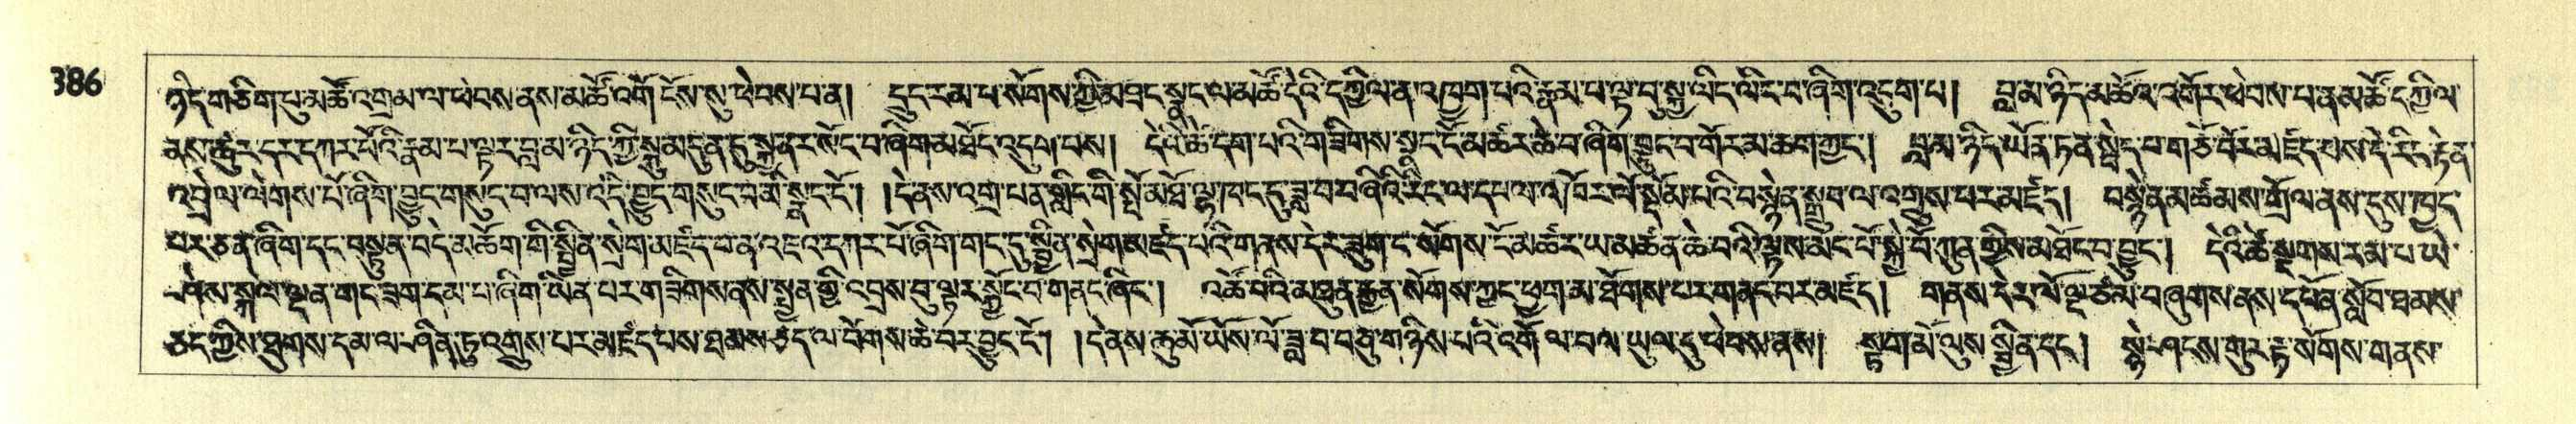ཉིད་གཅིག་པུ་མཚོ་འགྲམ་ལ་ཕེབས་ནས་མཚོ་འགོ་ངོས་སུ་ཕེབས་པ་ན། དྲུང་རམ་པ་སོགས་ཀྱི་མཐང་སྣང་ལ་མཚོ་དེའི་དཀྱིལ་ན་འཁྱག་པའི་རྣམ་པ་ལྟ་བུ་སྐྱ་ལིང་ལིང་བ་ཞིག་འདུག་པ། བླ་མ་ཉིད་མཚོའ་འགོར་ཕེབས་པ་ན་མཚོ་དཀྱིལ་
ནས་ཚུར་དར་དཀར་པོའི་རྣམ་པ་ལྟར་བླ་མ་ཉིད་ཀྱི་སྐུ་མདུན་དུ་སྐྱན་ར་སོང་བ་ཞིག་མཐོང་འདུག་བས། དེའི་ཚེ་དག་པའི་གཟིགས་སྣང་ངོ་མཚར་ཆེ་བ་ཞིག་བྱུང་བ་གོར་མ་ཆག་ཀྱང་། བླ་མ་ཉིད་ཡོན་ཏན་སྦེད་པ་གཙོ་བོར་མཛད་པས་དེ་རིང་རྟེན་
འབྲེལ་ལེགས་པོ་ཞིག་བྱུང་གསུང་བ་ལས་འདི་བྱུང་གསུང་བ་མི་སྣང་ངོ། །དེ་ནས་འགྲ་པན་གླིང་གི་སྤོ་མཐོ་ལྷ་ཁང་དུ་ཟླ་བ་བཞིའི་རིང་ལ་དཔལ་འཁོར་ལོ་སྡོམ་པའི་བསྙེན་སྒྲུབ་ལ་འགྲུས་པར་མཛད། བསྙེན་མཚམས་གྲོལ་ནས་དུས་ཁྱད་
པར་ཅན་ཞིག་དང་བསྟུན་བདེ་མཆོག་གི་སྦྱིན་སྲེག་མཛད་བ་ན་འཇའ་དཀར་པོ་ཞིག་གང་དུ་སྦྱིན་སྲེག་མཛད་པའི་གནས་དེར་ཟུག་ང་སོགས་ངོ་མཚར་ཡ་མཚན་ཆེ་བའི་ལྟས་མང་པོ་སྐྱེ་བོ་ཀུན་གྱིས་མཐོང་བ་བྱུང་། དེའི་ཚེ་སྔགས་རམ་པ་ཡེ་
ཤེས་སྐལ་ལྡན་གང་ཟག་དམ་པ་ཞིག་ཡིན་པར་གཟིགས་ནས་སྤྱན་གྱི་འབྲས་བུ་ལྟར་སྐྱོང་བ་གནང་ཞིང་། འཚོ་བའི་མཐུན་རྐྱང་སོགས་ཀྱང་ཕྱག་མ་ཐོགས་པར་གནང་བར་མཛད། གནས་དེར་ལོ་ལྔ་ཙམ་བཞུགས་ནས་དཔོན་སློབ་ཐམས་
ཅད་ཀྱིས་ཐུགས་དམ་ལ་ཤིན་ཏུ་འགྲུས་པར་མཛད་པས་ཐམས་ཅད་ལ་བོགས་ཆེ་བར་བྱུང་ངོ། །དེ་ནས་ཆུ་མོ་ཡོས་ལོ་ཟླ་བ་བཅུ་གཉིས་པའི་འགོལ་བླ་ཡུལ་དུ་ཕེབས་ནས། སྟག་མོ་ལུས་སྦྱིན་དང་། སྙེ་ཤངས་གུར་རྟ་སོགས་གནས་